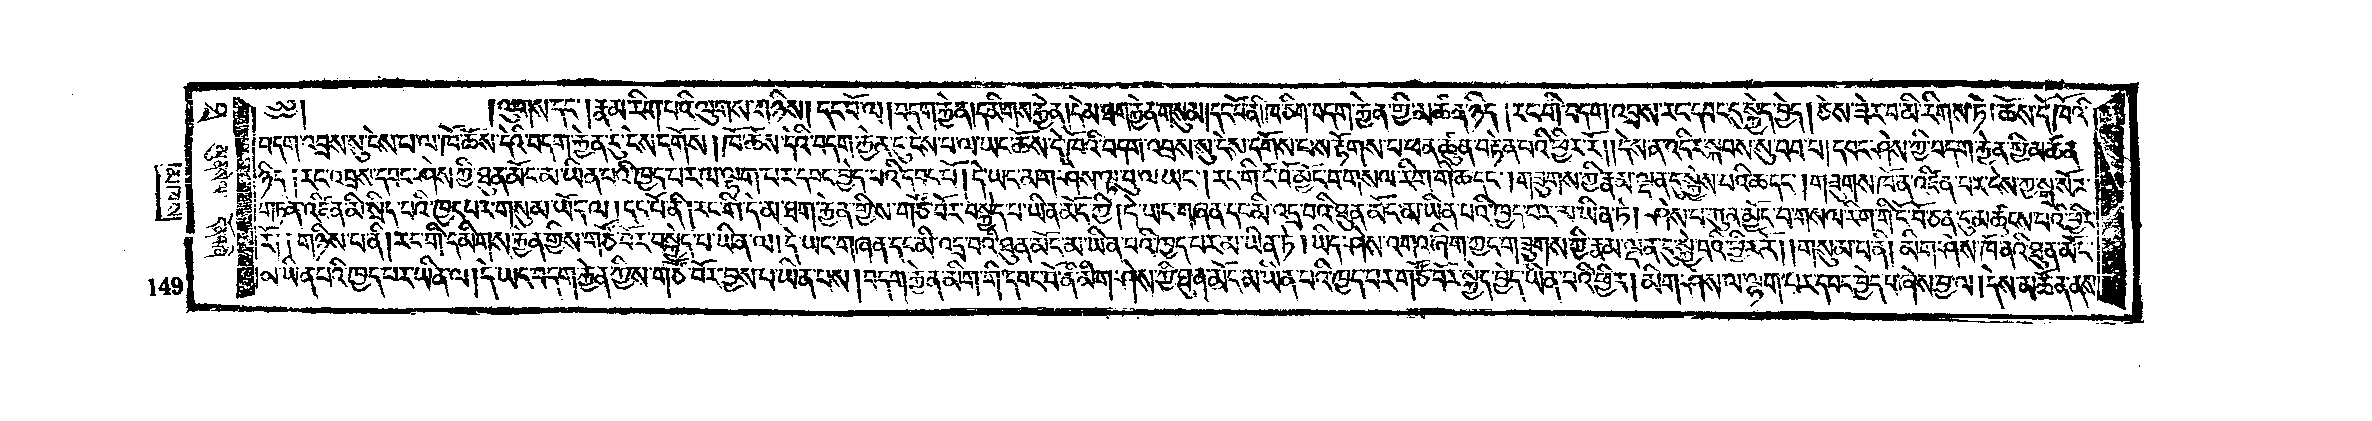༄༅། །ལུགས་དང་། རྣམ་རིག་པའི་ལུགས་གཉིས། དང་པོ་ལ། བདག་རྐྱེན། དམིགས་རྐྱེན། དེ་མ་ཐག་རྐྱེན་གསུམ། དང་པོ་ནི། ཁ་ཅིག་བདག་རྐྱེན་གྱི་མཚན་ཉིད། རང་གི་བདག་འབྲས་རང་དབང་དུ་སྐྱེད་བྱེད། ཅེས་ཟེར་བ་མི་རིགས་ཏེ། ཆོས་དེ་ཁོའི་
བདག་འབྲས་སུ་ངེས་པ་ལ་ཁོ་ཆོས་དེའི་བདག་རྐྱེན་དུ་ངེས་དགོས། ཁོ་ཆོས་དེའི་བདག་རྐྱེན་དུ་ངེས་པ་ལ་ཡང་ཆོས་དེ་ཁོའི་བདག་འབྲས་སུ་ངེས་དགོས་པས་རྟོགས་པ་ཕན་ཚུན་བརྟེན་པའི་ཕྱིར་རོ། །དེས་ན་འདིར་སྐབས་སུ་བབ་པ། དབང་ཤེས་ཀྱི་བདག་རྐྱེན་གྱི་མཚན་
ཉིད། རང་འབྲས་དབང་ཤེས་ཀྱི་ཐུན་མོང་མ་ཡིན་པའི་ཁྱད་པར་ལ་ལྷག་པར་དབང་བྱེད་པའི་དབང་པོ། དེ་ཡང་མིག་ཤེས་ལྟ་བུ་ལ་ཡང་། རང་གི་ངོ་བོ་མྱོང་བ་གསལ་རིག་གི་ཆ་དང་། གཟུགས་ཀྱི་རྣམ་ལྡན་དུ་སྐྱེས་པའི་ཆ་དང་། གཟུགས་ཁོ་ན་འཛིན་པར་ངེས་ཀྱི་སྒྲ་སོགས་
གཏན་འཛིན་མི་སྲིད་པའི་ཁྱད་པར་གསུམ་ཡོད་ལ། དང་པོ་ནི། རང་གི་དེ་མ་ཐག་རྐྱེན་གྱིས་གཙོ་བོར་བསྐྱེད་པ་ཡིན་མོད་ཀྱི། དེ་ཡང་གཞན་དང་མི་འདྲ་བའི་ཐུན་མོང་མ་ཡིན་པའི་ཁྱད་པར་མ་ཡིན་ཏེ། ཤེས་པ་ཀུན་མྱོང་བ་གསལ་རིག་གི་ངོ་བོ་ཅན་དུ་མཚུངས་པའི་ཕྱིར་
རོ༑ ༑གཉིས་པ་ནི། རང་གི་དམིགས་རྐྱེན་གྱིས་གཙོ་བོར་བསྐྱེད་པ་ཡིན་ལ། དེ་ཡང་གཞན་དང་མི་འདྲ་བའི་ཐུན་མོང་མ་ཡིན་པའི་ཁྱད་པར་མ་ཡིན་ཏེ། ཡིད་ཤེས་འགའ་ཞིག་ཀྱང་གཟུགས་ཀྱི་རྣམ་ལྡན་དུ་སྐྱེ་བའི་ཕྱིར་རོ། །གསུམ་པ་ནི། མིག་ཤེས་ཁོ་ནའི་ཐུན་མོང་
མ་ཡིན་པའི་ཁྱད་པར་ཡིན་ལ། དེ་ཡང་བདག་རྐྱེན་ཀྱིས་གཙོ་བོར་བྱས་པ་ཡིན་པས། བདག་རྐྱེན་མིག་གི་དབང་པོ་ནི་མིག་ཤེས་ཀྱི་ཐུན་མོང་མ་ཡིན་པའི་ཁྱད་པར་གཙོ་བོར་སྐྱེད་བྱེད་ཡིན་པའི་ཕྱིར། མིག་ཤེས་ལ་ལྷག་པར་དབང་བྱེད་པ་ཞེས་བྱ་ལ། དེས་མཚོན་ན་